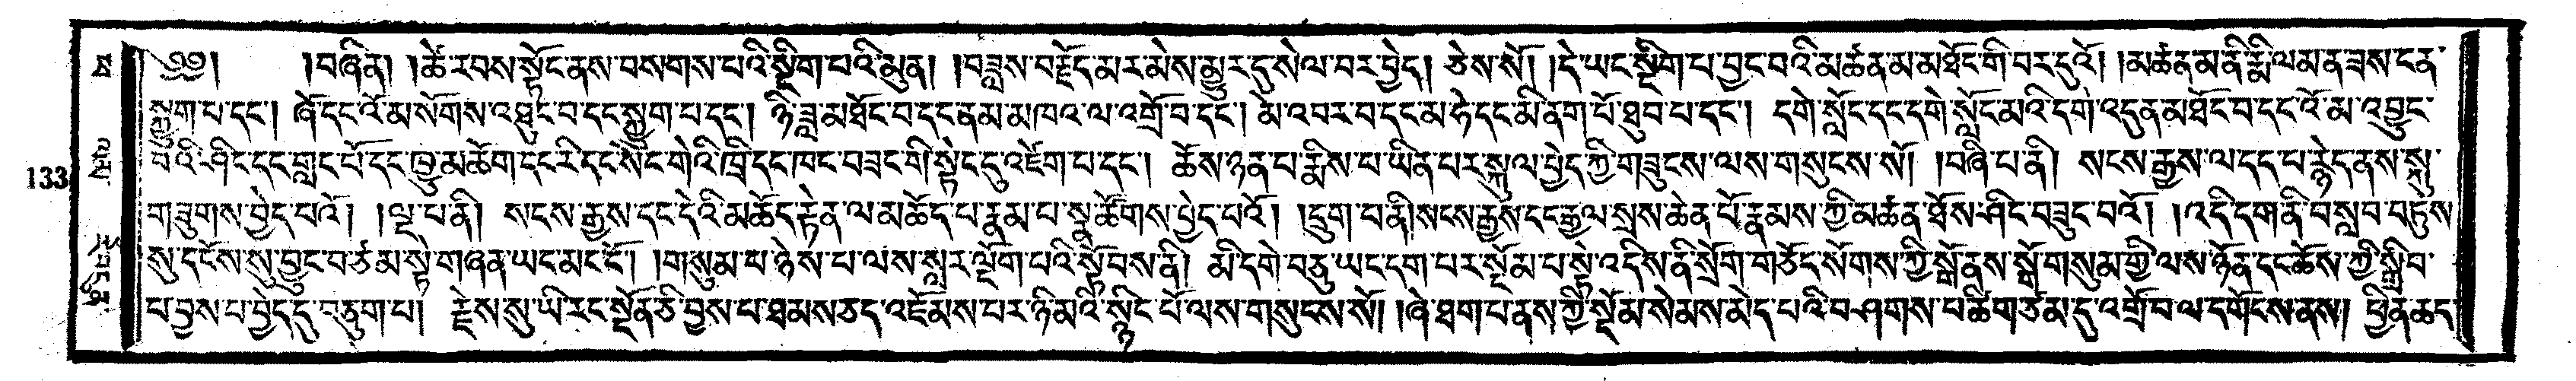༄༅། །བཞིན། །ཚེ་རབས་སྟོང་ནས་བསགས་པའི་སྡིག་པའི་མུན། །བཟླས་བརྗོད་མར་མེས་མྱུར་དུ་སེལ་བར་བྱེད། ཅེས་སོ། །དེ་ཡང་སྡིག་པ་བྱང་བའི་མཚན་མ་མཐོང་གི་བར་དུའོ། །མཚན་མ་ནི་རྨི་ལམ་ན་ཟས་ངན་
སྐྱུག་པ་དང་། ཞོ་དང་འོ་མ་སོགས་འཐུང་བ་དང་སྐྱུག་པ་དང་། ཉི་ཟླ་མཐོང་བ་དང་ནམ་མཁའ་ལ་འགྲོ་བ་དང་། མེ་འབར་བ་དང་མ་ཧེ་དང་མི་ནག་པོ་ཐུབ་པ་དང་། དགེ་སློང་དང་དགེ་སློང་མའི་དགེ་འདུན་མཐོང་བ་དང་འོ་མ་འབྱུང་
བའི་ཤིང་དང་གླང་པོ་དང་ཁྱུ་མཆོག་དང་རི་དང་སེང་གེའི་ཁྲི་དང་ཁང་བཟང་གི་སྟེང་དུ་འཛེག་པ་དང་། ཆོས་ཉན་པ་རྨིས་པ་ཡིན་པར་སྐུལ་བྱེད་ཀྱི་གཟུངས་ལས་གསུངས་སོ། །བཞི་པ་ནི། སངས་རྒྱས་ལ་དད་པ་རྙེད་ནས་སྐུ་
གཟུགས་བྱེད་པའོ། །ལྔ་པ་ནི། སངས་རྒྱས་དང་དེའི་མཆོད་རྟེན་ལ་མཆོད་པ་རྣམ་པ་སྣ་ཚོགས་བྱེད་པའོ། །དྲུག་པ་ནི། སངས་རྒྱས་དང་རྒྱལ་སྲས་ཆེན་པོ་རྣམས་ཀྱི་མཚན་ཀྱི་མཚན་ཐོས་ཤིང་བཟུང་བའོ། །འདི་དག་ནི་བསླབ་བཏུས་
སུ་དངོས་སུ་བྱུང་བ་ཙམ་སྟེ་གཞན་ཡང་མང་ངོ། །གསུམ་པ་ཉེས་པ་ལས་སླར་ལྡོག་པའི་སྟོབས་ནི། མི་དགེ་བཅུ་ཡང་དག་པར་སྡོམ་པ་སྟེ་འདིས་ནི་སྲོག་གཅོད་སོགས་ཀྱི་སྒོ་ནས་སྒོ་གསུམ་གྱི་ལས་ཉོན་དང་ཆོས་ཀྱི་སྒྲིབ་
པ་བྱས་པ་བྱེད་དུ་བཅུག་པ། རྗེས་སུ་ཡི་རང་སྔོན་ཅི་བྱས་པ་ཐམས་ཅད་འཇོམས་པར་ཉི་མའི་སྙིང་པོ་ལས་གསུངས་སོ། །ཞེ་ཐག་པ་ནས་ཀྱི་སྡོམ་སེམས་མེད་པའི་བཤགས་པ་ཚིག་ཙམ་དུ་འགྲོ་བ་ལ་དགོངས་ནས། ཕྱིན་ཆད་